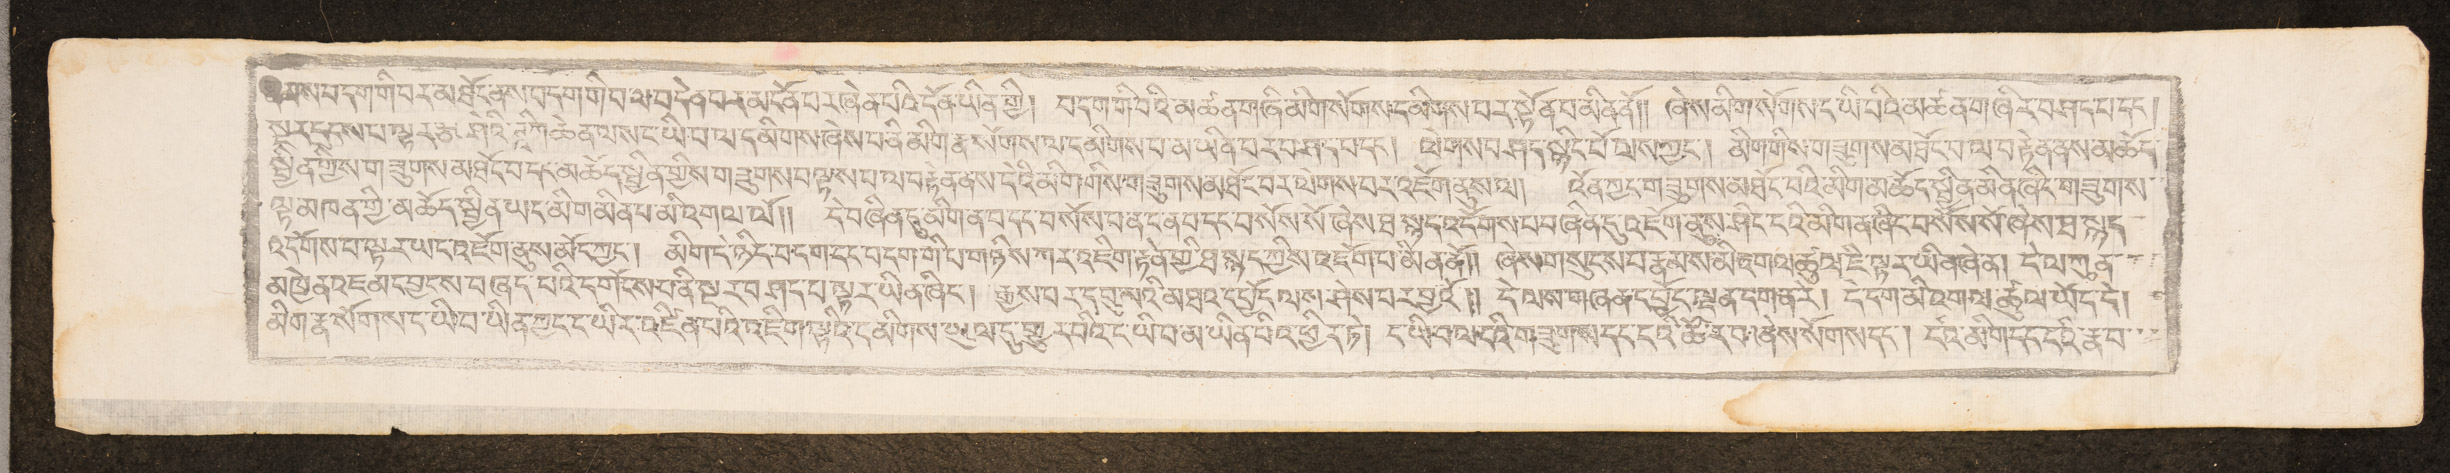རྣམས་བདག་གི་བར་མཐོང་ནས་བདག་གི་བ་ལ་བདེན་པར་མངོན་པར་ཞེན་པའི་དོན་ཡིན་གྱི། བདག་གི་བའི་མཚན་གཞི་མིག་སོགས་དམིགས་པར་སྟོན་པ་མིན་ནོ།། ཞེས་མིག་སོགས་པ་ཡི་བའི་མཚན་གཞིར་བཤད་པ་དང་།
སྔར་དངས་པ་ལྟར་རྫ་ཤེའི་ཊཱིཀ་ཆེན་ལས་ང་ཡི་བ་ལ་དམིགས་ཞེས་པ་ནི་མིག་རྣ་སོགས་ལ་དམིགས་པ་མ་ཡིན་པར་བཤད་པ་དང་། ལེགས་བཤད་སྙིང་པོ་ལས་ཀྱང་། མིག་གིས་གཟུགས་མཐོང་བ་ལ་བརྟེན་ནས་མཆོད་
སྦྱིན་གྱིས་གཟུགས་མཐོང་བ་དང་མཆོད་སྦྱིན་གྱིས་གཟུགས་བལྟས་པ་ལ་བརྟེན་ནས་དེའི་མིག་གིས་གཟུགས་མཐོང་བར་ལེགས་པར་འཇོག་ནུས་ལ། འོན་ཀྱང་གཟུངས་མཐོང་བའི་མིག་མཆོད་སྦྱིན་མིན་ཞིང་གཟུགས་
ལྟ་མཁན་གྱི་མཆོད་སྦྱིན་ཡང་མིག་མིན་པ་འགལ་ལོ། །དེ་བཞིན་དུ་མིག་ན་བ་དང་བསོས་པ་ནང་ན་བ་དང་བསོས་སོ་ཞེས་ཐ་སྙད་འདོགས་པ་བཞིན་དུ་འཇོག་ནུས་ཤིང་ངའི་མིག་ན་ཞིང་བསོས་སོ་ཞེས་ཐ་སྙད་
འདོགས་པ་ལྟར་ཡང་འཇོག་ནུས་མོད་ཀྱང་། མིག་དེ་ཉིད་བདག་དང་བདག་གི་བ་གཉིས་ཀར་འཇིག་རྟེན་གྱི་ཐ་སྙད་ཀྱིས་འཇོག་པ་མིན་ནོ། །ཞེས་གསུངས་པ་རྣམས་མི་འགལ་ཚུལ་ཇི་ལྟར་ཡིན་ཞེས་ན། དེ་ལ་ཀུན་
མཁྱེན་འཇམ་དབྱངས་བཞད་པའི་དགོངས་པ་ནི་སྔར་བཤད་པ་ལྟར་ཡིན་ཞིང་། རྒྱས་བར་དབུ་མའི་མཐའ་དཔྱོད་ལས་ཤེས་པར་བྱའོ།། དེ་ལས་གཞན་དཔྱོད་ལྡན་དག་ན་རེ། དེ་དག་མི་འགལ་ཚུལ་ཡོད་དེ།
མིག་རྣ་སོགས་པ་ཡི་བ་ཡིན་ཀྱང་ང་ཡིར་འཛིན་པའི་འཇིག་ལྟའི་དམིགས་ཡུལ་དུ་གྱུར་བའི་ང་ཡི་བ་མ་ཡིན་པའི་ཕྱིར་ཏེ། ང་ཡི་བ་ལ་ངའི་གཟུགས་དང་ངའི་ཚོར་བ་ཞེས་སོགས་དང་། ངའི་མིག་དང་ངའི་རྣ་བ་